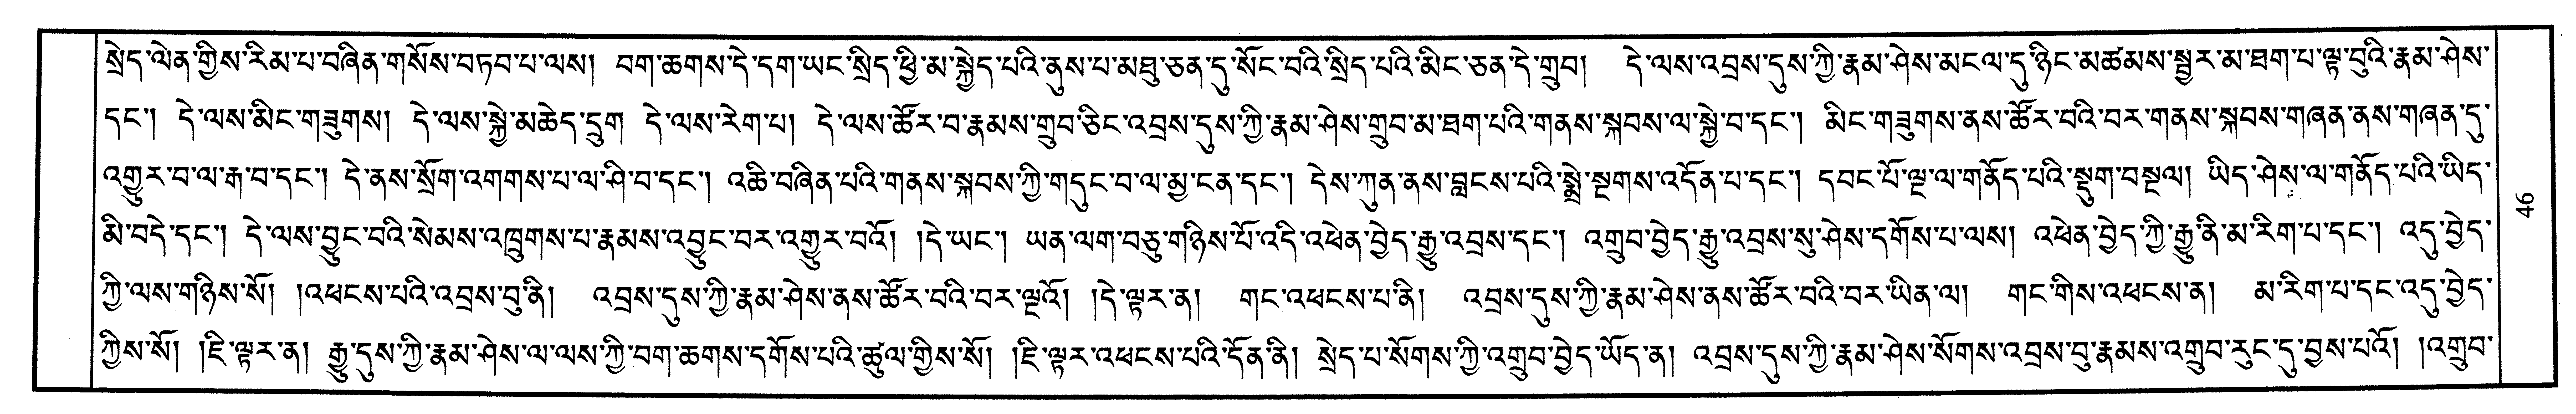སྲེད་ལེན་གྱིས་རིམ་པ་བཞིན་གསོས་བཏབ་པ་ལས། བག་ཆགས་དེ་དག་ཡང་སྲིད་ཕྱི་མ་སྐྱེད་པའི་ནུས་པ་མཐུ་ཅན་དུ་སོང་བའི་སྲིད་པའི་མིང་ཅན་དེ་གྲུབ། དེ་ལས་འབྲས་དུས་ཀྱི་རྣམ་ཤེས་མངལ་དུ་ཉིང་མཚམས་སྦྱར་མ་ཐག་པ་ལྟ་བུའི་རྣམ་ཤེས་
དང་། དེ་ལས་མིང་གཟུགས། དེ་ལས་སྐྱེ་མཆེད་དྲུག་དེ་ལས་རེག་པ། དེ་ལས་ཚོར་བ་རྣམས་གྲུབ་ཅིང་འབྲས་དུས་ཀྱི་རྣམ་ཤེས་གྲུབ་མ་ཐག་པའི་གནས་སྐབས་ལ་སྐྱེ་བ་དང་། མིང་གཟུགས་ནས་ཚོར་བའི་བར་གནས་སྐབས་གཞན་ནས་གཞན་དུ་
འགྱུར་བ་ལ་རྒ་བ་དང་། དེ་ནས་སྲོག་འགགས་པ་ལ་ཤི་བ་དང་། འཆི་བཞིན་པའི་གནས་སྐབས་ཀྱི་གདུང་བ་ལ་མྱ་ངན་དང་། དེས་ཀུན་ནས་བླངས་པའི་སྨྲེ་སྔགས་འདོན་པ་དང་། དབང་པོ་ལྔ་ལ་གནོད་པའི་སྡུག་བསྔལ། ཡིད་ཤེས་ལ་གནོད་པའི་ཡིད་
མི་བདེ་དང་། དེ་ལས་བྱུང་བའི་སེམས་འཁྲུགས་པ་རྣམས་འབྱུང་བར་འགྱུར་བའོ། །དེ་ཡང་། ཡན་ལག་བཅུ་གཉིས་པོ་འདི་འཕེན་བྱེད་རྒྱུ་འབྲས་དང་། འགྲུབ་བྱེད་རྒྱུ་འབྲས་སུ་ཤེས་དགོས་པ་ལས། འཕེན་བྱེད་ཀྱི་རྒྱུ་ནི་མ་རིག་པ་དང་། འདུ་བྱེད་
ཀྱི་ལས་གཉིས་སོ། །འཕངས་པའི་འབྲས་བུ་ནི། འབྲས་དུས་ཀྱི་རྣམ་ཤེས་ནས་ཚོར་བའི་བར་ལྔའོ། །དེ་ལྟར་ན། གང་འཕངས་པ་ནི། འབྲས་དུས་ཀྱི་རྣམ་ཤེས་ནས་ཚོར་བའི་བར་ཡིན་ལ། གང་གིས་འཕངས་ན། མ་རིག་པ་དང་འདུ་བྱེད་
ཀྱིས་སོ། །ཇི་ལྟར་ན། རྒྱུ་དུས་ཀྱི་རྣམ་ཤེས་ལ་ལས་ཀྱི་བག་ཆགས་དགོས་པའི་ཚུལ་གྱིས་སོ། །ཇི་ལྟར་འཕངས་པའི་དོན་ནི། སྲེད་པ་སོགས་ཀྱི་འགྲུབ་བྱེད་ཡོད་ན། འབྲས་དུས་ཀྱི་རྣམ་ཤེས་སོགས་འབྲས་བུ་རྣམས་འགྲུབ་རུང་དུ་བྱས་པའོ། །འགྲུབ་